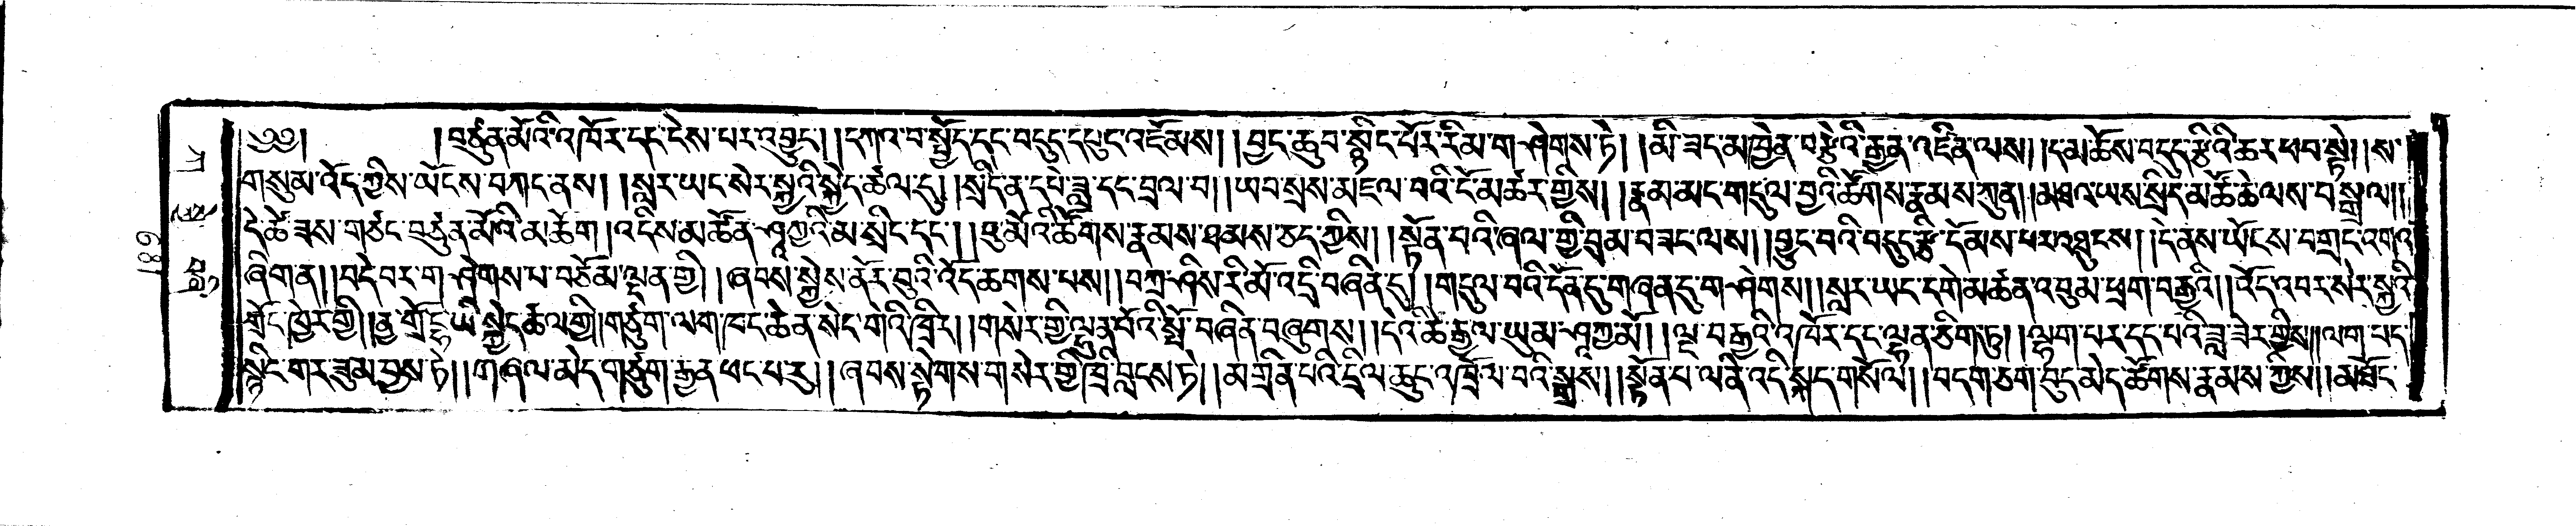༄༅། །བཙུན་མོའི་འཁོར་དང་ངེས་པར་འབྱུང་། །དཀའ་བ་སྤྱོད་དང་བདུད་དཔུང་འཇོམས། །བྱང་ཆུབ་སྙིང་པོར་རིམ་གཤེགས་ཏེ། །མི་ཟད་མཁྱེན་བརྩེའི་རྒྱན་འཛིན་ལས། །དམ་ཆོས་བདུད་རྩིའི་ཆར་ཕབ་སྟེ། །ས་
གསུམ་འོད་ཀྱིས་ཡོངས་བཀང་ནས། །སླར་ཡང་སེར་སྐྱའི་སྐྱེད་ཚལ་དུ། །སྲིད་ན་དཔེ་ཟླ་དང་བྲལ་བ། །ཡབ་སྲས་མཇལ་བའི་ངོ་མཚར་གྱིས། །རྣམ་མང་གདུལ་བྱའི་ཚོགས་རྣམས་ཀུན། །མཐའ་ཡས་སྲིད་མཚོ་ཆེ་ལས་བསྒྲལ། །
དེ་ཚེ་ཟས་གཙང་བཙུན་མོའི་མཆོག །འདིས་མཚོན་ཤཱཀྱའི་མ་སྲིང་དང་། །བུ་མོའི་ཚོགས་རྣམས་ཐམས་ཅད་ཀྱིས། །སྟོན་པའི་ཞལ་གྱི་བུམ་བཟང་ལས། །བྱུང་བའི་བདུད་རྩི་ངོམས་པར་འཐུངས། །དེ་ནས་ཡོངས་བགྲང་འགའ་
ཞིག་ན། །བདེ་བར་གཤེགས་པ་བཅོམ་ལྡན་གྱི། །ཞབས་སྐྱེས་ནོར་བུའི་འོད་ཆགས་པས། །བཀྲ་ཤིས་རི་མོ་འདྲི་བཞིན་དུ། །གདུལ་བའི་དོན་དུ་གཞན་དུ་གཤེགས། །སླར་ཡང་དགེ་མཚན་འབུམ་ཕྲག་བརྒྱའི། །འོད་འབར་སེར་སྐྱའི་
གྲོང་ཁྱེར་གྱི། །ནྱ་གྲོ་དྷ་ཡི་སྐྱེད་ཚལ་གྱི། །གཙུག་ལག་ཁང་ཆེན་སེང་གེའི་ཁྲིར། །གསེར་གྱི་ལྷུན་པོའི་སྤོ་བཞིན་བཞུགས། །དེའི་ཚེ་རྒྱལ་ཡུམ་ཤཱཀྱ་མོ། །ལྔ་བརྒྱའི་འཁོར་དང་ལྷན་ཅིག་ཏུ། །ལྷག་པར་དད་པའི་ཟླ་ཟེར་གྱིས། །ལག་པད་
སྙིང་གར་ཟུམ་བྱས་ཏེ། །གཞལ་མེད་གཙུག་རྒྱན་ཕང་པ་རུ། །ཞབས་སྟེགས་གསེར་གྱི་ཁྲི་བླངས་ཏེ། །མགྲིན་པའི་དྲིལ་ཆུང་འཁྲོལ་བའི་སྒྲས། །སྟོན་པ་ལ་ནི་འདི་སྐད་གསོལ། །བདག་ཅག་བུད་མེད་ཚོགས་རྣམས་ཀྱིས། །མཐོང་